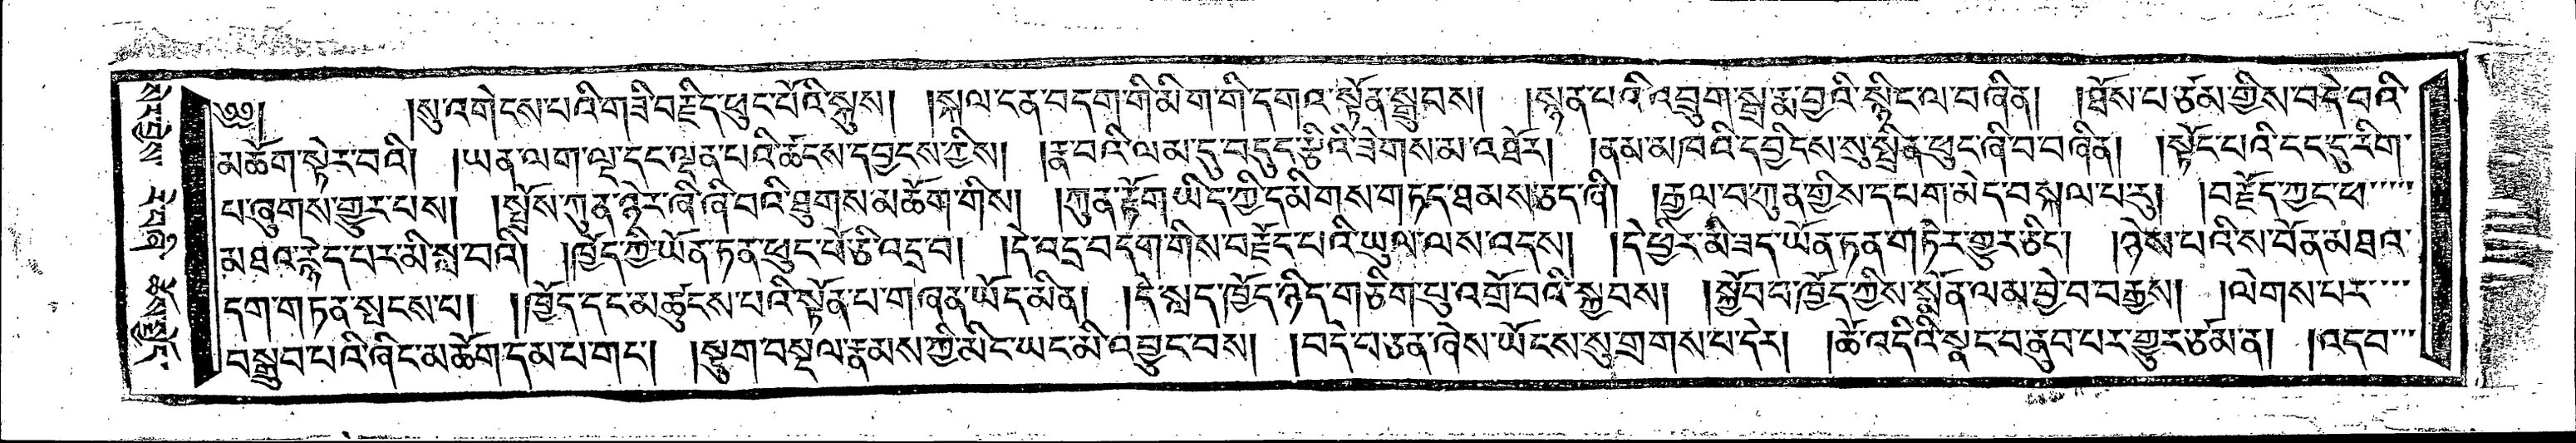༄༅། །སུ་འགེངས་པའི་གཟི་བརྗིད་ཕུང་པོའི་སྐུས། །སྐལ་ངན་བདག་གི་མིག་གི་དགའ་སྟོན་སྒྲུབས། །སྙན་པའི་འབྲུག་སྒྲ་རྨ་བྱའི་སྙིང་ལ་བཞིན། །ཐོས་པ་ཙམ་གྱིས་བདེ་བའི་
མཆོག་སྟེར་བའི། །ཡན་ལག་ལྔ་དང་ལྡན་པའི་ཚངས་དབྱངས་ཀྱིས། །རྣ་བའི་ལམ་དུ་བདུད་རྩིའི་ཟེགས་མ་འཐོར། །ནམ་མཁའི་དབྱིངས་སུ་སྤྲིན་ཕུང་ཞི་བ་བཞིན། །སྟོང་པའི་ངང་དུ་རིག་
པ་ཞུགས་གྱུར་པས། །སྤྲོས་ཀུན་ཉེར་ཞི་ཞི་བའི་ཐུགས་མཆོག་གིས། །ཀུན་རྟོག་ཡིད་ཀྱི་དམིགས་གཏད་ཐམས་ཅད་ཞི། །རྒྱལ་བ་ཀུན་གྱིས་དཔག་མེད་བསྐལ་པ་རུ། །བརྗོད་ཀྱང་ཕ་
མཐའ་རྙེད་པར་མི་སླ་བའི། །ཁྱོད་ཀྱི་ཡོན་ཏན་ཕུང་པོ་ཅི་འདྲ་བ། །དེ་འདྲ་བདག་གིས་བརྗོད་པའི་ཡུལ་ལས་འདས། །དེ་ཕྱིར་མི་ཟད་ཡོན་ཏན་གཏེར་གྱུར་ཅིང་། །ཉེས་པའི་ས་བོན་མཐའ་
དག་གཏན་སྤངས་པ། །ཁྱོད་དང་མཚུངས་པའི་སྟོན་པ་གཞན་ཡོད་མིན། །དེ་སླད་ཁྱོད་ཉིད་གཅིག་པུ་འགྲོ་བའི་སྐྱབས། །སྐྱོབ་པ་ཁྱོད་ཀྱིས་སྨོན་ལམ་བྱེ་བ་བརྒྱས། །ལེགས་པར་
བསྒྲུབ་པའི་ཞིང་མཆོག་དམ་པ་གང་། །སྡུག་བསྔལ་རྣམས་ཀྱི་མིང་ཡང་མི་འབྱུང་བས། །བདེ་བ་ཅན་ཞེས་ཡོངས་སུ་གྲགས་པ་དེར། །ཚེ་འདིའི་སྣང་བ་ནུབ་པར་གྱུར་ཙམ་ན། །འདབ་